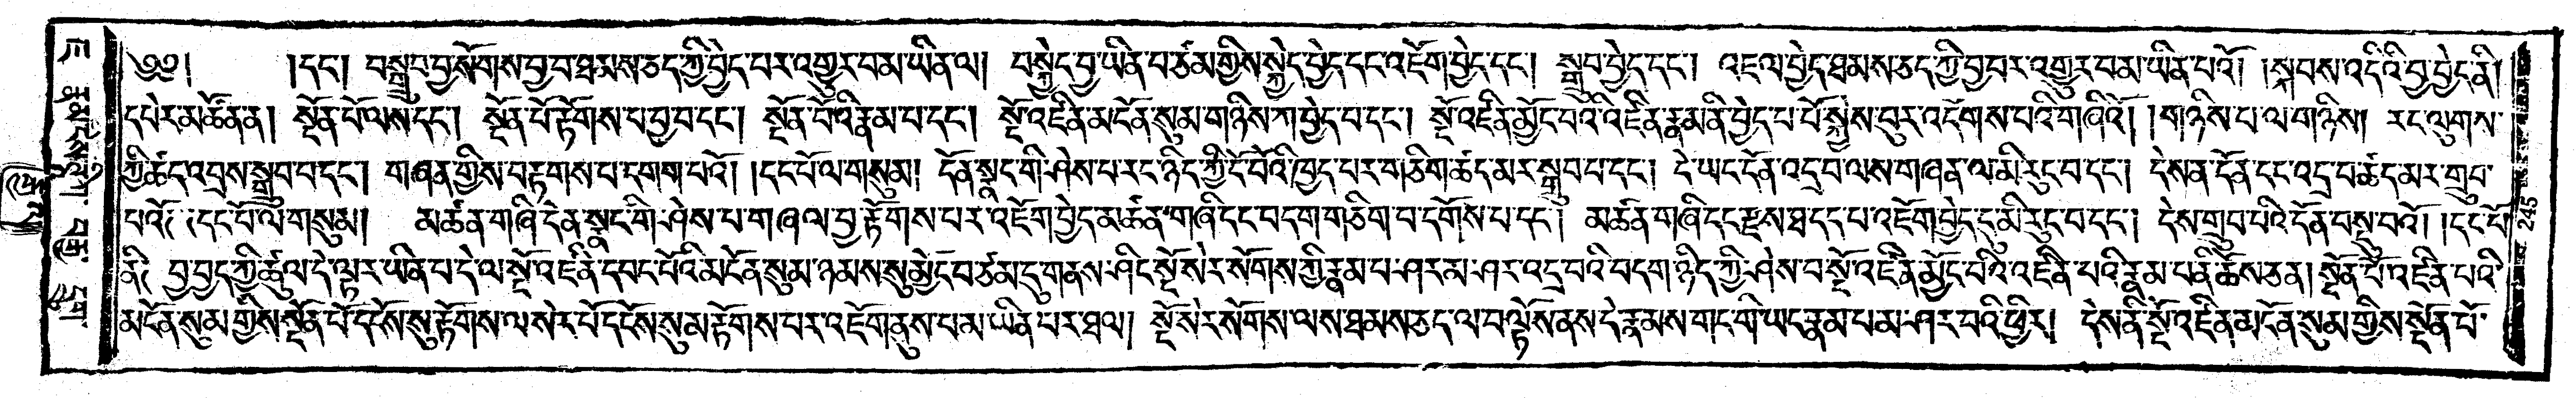༄༅། །དང་། བསྒྲུབ་བྱ་སོགས་བྱ་བ་ཐམས་ཅད་ཀྱི་བྱེད་པར་འགྱུར་བ་མ་ཡིན་ལ། བསྐྱེད་བྱ་ཡིན་པ་ཙམ་གྱིས་སྐྱེད་བྱེད་དང་འཇོག་བྱེད་དང་། སྒྲུབ་བྱེད་དང་། འཇལ་བྱེད་ཐམས་ཅད་ཀྱི་བྱ་བར་འགྱུར་བ་མ་ཡིན་པའོ། །སྐབས་འདིའི་བྱ་བྱེད་ནི།
དཔེར་མཚོན་ན། སྔོན་པོ་ལས་དང་། སྔོན་པོ་རྟོགས་པ་བྱ་བ་དང་། སྔོན་པོའི་རྣམ་པ་དང་། སྔོ་འཛིན་མངོན་སུམ་གཉིས་ཀ་བྱེད་པ་དང་། སྔོ་འཛིན་མྱོང་བའི་འཛིན་རྣམ་ནི་བྱེད་པ་པོ་སྐྱེས་བུར་འདོགས་པའི་གཞིའོ། །གཉིས་པ་ལ་གཉིས། རང་ལུགས་
ཀྱི་ཚད་འབྲས་སྒྲུབ་པ་དང་། གཞན་གྱིས་བརྟགས་པ་དགག་པའོ། །དང་པོ་ལ་གསུམ། དོན་སྣང་གི་ཤེས་པ་རང་ཉིད་ཀྱི་ངོ་བོའི་ཁྱད་པར་གཅིག་ཚད་མར་སྒྲུབ་པ་དང་། དེ་ཡང་དོན་འདྲ་བ་ལས་གཞན་ལ་མི་རུང་བ་དང་། དེས་ན་དོན་དང་འདྲ་བ་ཚད་མར་གྲུབ་
པའོ། །དང་པོ་ལ་གསུམ། མཚན་གཞི་དེན་སྣང་གི་ཤེས་པ་གཞལ་བྱ་རྟོགས་པར་འཇོག་བྱེད་མཚན་གཞི་དང་བདག་གཅིག་པ་དགོས་པ་དང་། མཚན་གཞི་དང་རྫས་ཐ་དད་པ་འཇོག་བྱེད་དུ་མི་རུང་བ་དང་། དེས་གྲུབ་པའི་དོན་བསྡུ་བའོ། །དང་པོ་
ནི། བྱ་བྱད་ཀྱི་ཚུལ་དེ་ལྟར་ཡིན་པ་དེ་ལ་སྔོ་འཛིན་དབང་པོའི་མངོན་སུམ་ཉམས་སུ་མྱོང་བ་ཙམ་དུ་གནས་ཤིང་སྔོ་སེར་སོགས་ཀྱི་རྣམ་པ་ཤར་མ་ཤར་འདྲ་བའི་བདག་ཉིད་ཀྱི་ཤེས་པ་སྔོ་འཛིན་མྱོང་བའི་འཛིན་པའི་རྣམ་པ་ནི་ཆོས་ཅན། སྔོན་པོ་འཛིན་པའི་
མངོན་སུམ་གྱིས་སྔོན་པོ་དངོས་སུ་རྟོགས་ལ་སེར་པོ་དངོས་སུ་མ་རྟོགས་པར་འཇོག་ནུས་པ་མ་ཡིན་པར་ཐལ། སྔོ་སེར་སོགས་ལས་ཐམས་ཅད་ལ་བལྟོས་ནས་དེ་རྣམས་གང་གི་ཡང་རྣམ་པ་མ་ཤར་བའི་ཕྱིར། དེས་ནི་སྔོ་འཛིན་མངོན་སུམ་གྱིས་སྔོན་པོ་